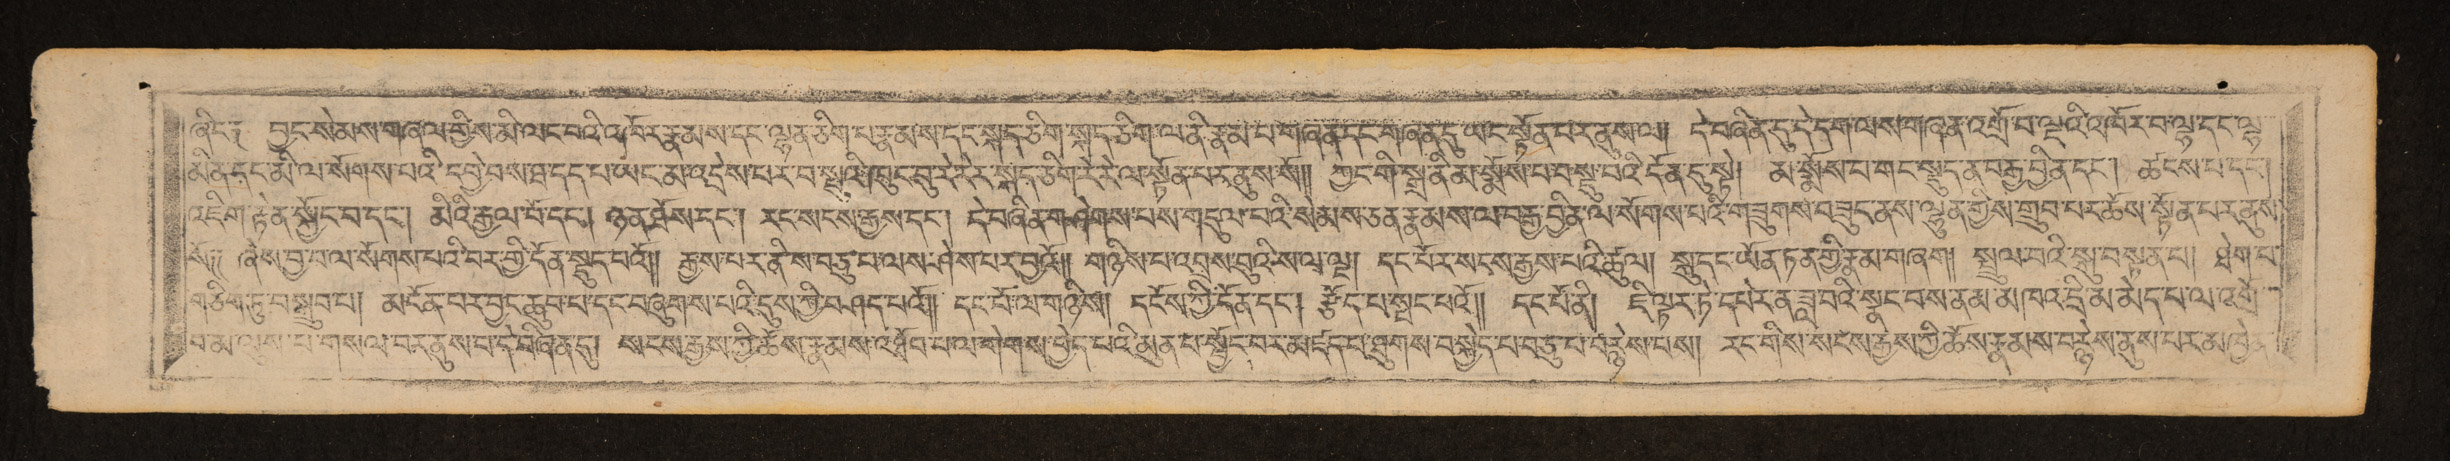ཞིང༑ བྱང་སེམས་གཞལ་གྱིས་མི་ལང་བའི་འཁོར་རྣམས་དང་ལྷན་ཅིག་པ་རྣམས་དང་སྐད་ཅིག་སྐད་ཅིག་ལ་ནི་རྣམ་པ་གཞན་དང་གཞན་དུ་ཡང་སྟོན་པར་ནུས་ལ། དེ་བཞིན་དུ་དེ་དག་ལས་གཞན་འགྲོ་བ་ལྔའི་འཁོར་བ་ལྷ་དང་ལྷ་
མིན་དང་མི་ལ་སོགས་པའི་དབྱེ་བས་ཐ་དད་པ་ཡང་མ་འདྲེས་པར་བ་སྤུའི་ཁུང་བུ་རེ་རེར་སྐད་ཅིག་རེ་རེ་ལ་སྟོན་པར་ནུས་སོ།། ཀྱང་གི་སྒྲ་ནི་མ་སྨོས་པ་བསྡུ་བའི་དོན་དུ་སྟེ། མ་སྨོས་པ་གང་སྡུད་ན་བརྒྱ་བྱིན་དང་། ཚངས་པ་དང་།
འཇིག་རྟེན་སྐྱོང་བ་དང་། མིའི་རྒྱལ་པོ་དང་། ཉན་ཐོས་དང་། རང་སངས་རྒྱས་དང་། དེ་བཞིན་གཤེགས་པས་གདུལ་བའི་སེམས་ཅན་རྣམས་ལ་བརྒྱ་བྱིན་ལ་སོགས་པའི་གཟུགས་བཟུང་ནས་ལྷུན་གྱིས་གྲུབ་པར་ཆོས་སྟོན་པར་ནུས་
སོ༑༑ ཞེས་བྱ་བ་ལ་སོགས་པའི་བར་གྱི་དོན་སྡུད་པའོ།། རྒྱས་པར་ནི་ས་བཅུ་པ་ལས་ཤེས་པར་བྱའོ།། གཉིས་པ་འབྲས་བུའི་ས་ལ་ལྔ། དང་པོར་སངས་རྒྱས་པའི་ཚུལ། སྐུ་དང་ཡོན་ཏན་གྱི་རྣམ་གཞག། སྤྲུལ་པའི་སྐུ་བསྟན་པ། ཐེག་པ་
གཅིག་ཏུ་བསྒྲུབ་པ། མངོན་པར་བྱང་ཆུབ་པ་དང་བཞུགས་པའི་དུས་ཀྱི་བཤད་པའོ།། དང་པོ་ལ་གཉིས། དངོས་ཀྱི་དོན་དང་། རྩོད་པ་སྤང་བའོ།། དང་པོ་ནི། ཇི་ལྟར་ཏེ་དཔེར་ན་ཟླ་བའི་སྣང་བས་ནམ་མཁའ་དྲི་མ་མེད་པ་ལ་འགྲོ་
བ་མ་ལུས་པ་གསལ་བར་ནུས་པ་དེ་བཞིན་དུ། སངས་རྒྱས་ཀྱི་ཆོས་རྣམས་འཐོབ་པ་ལ་གེགས་བྱེད་པའི་མུན་པ་སྦྱོང་བར་མཛད་པ་ཐུགས་བསྐྱེད་པ་བཅུ་པ་བརྙེས་པས། རང་གིས་སངས་རྒྱས་ཀྱི་ཆོས་རྣམས་བརྙེས་ནུས་པར་མཁྱེན་